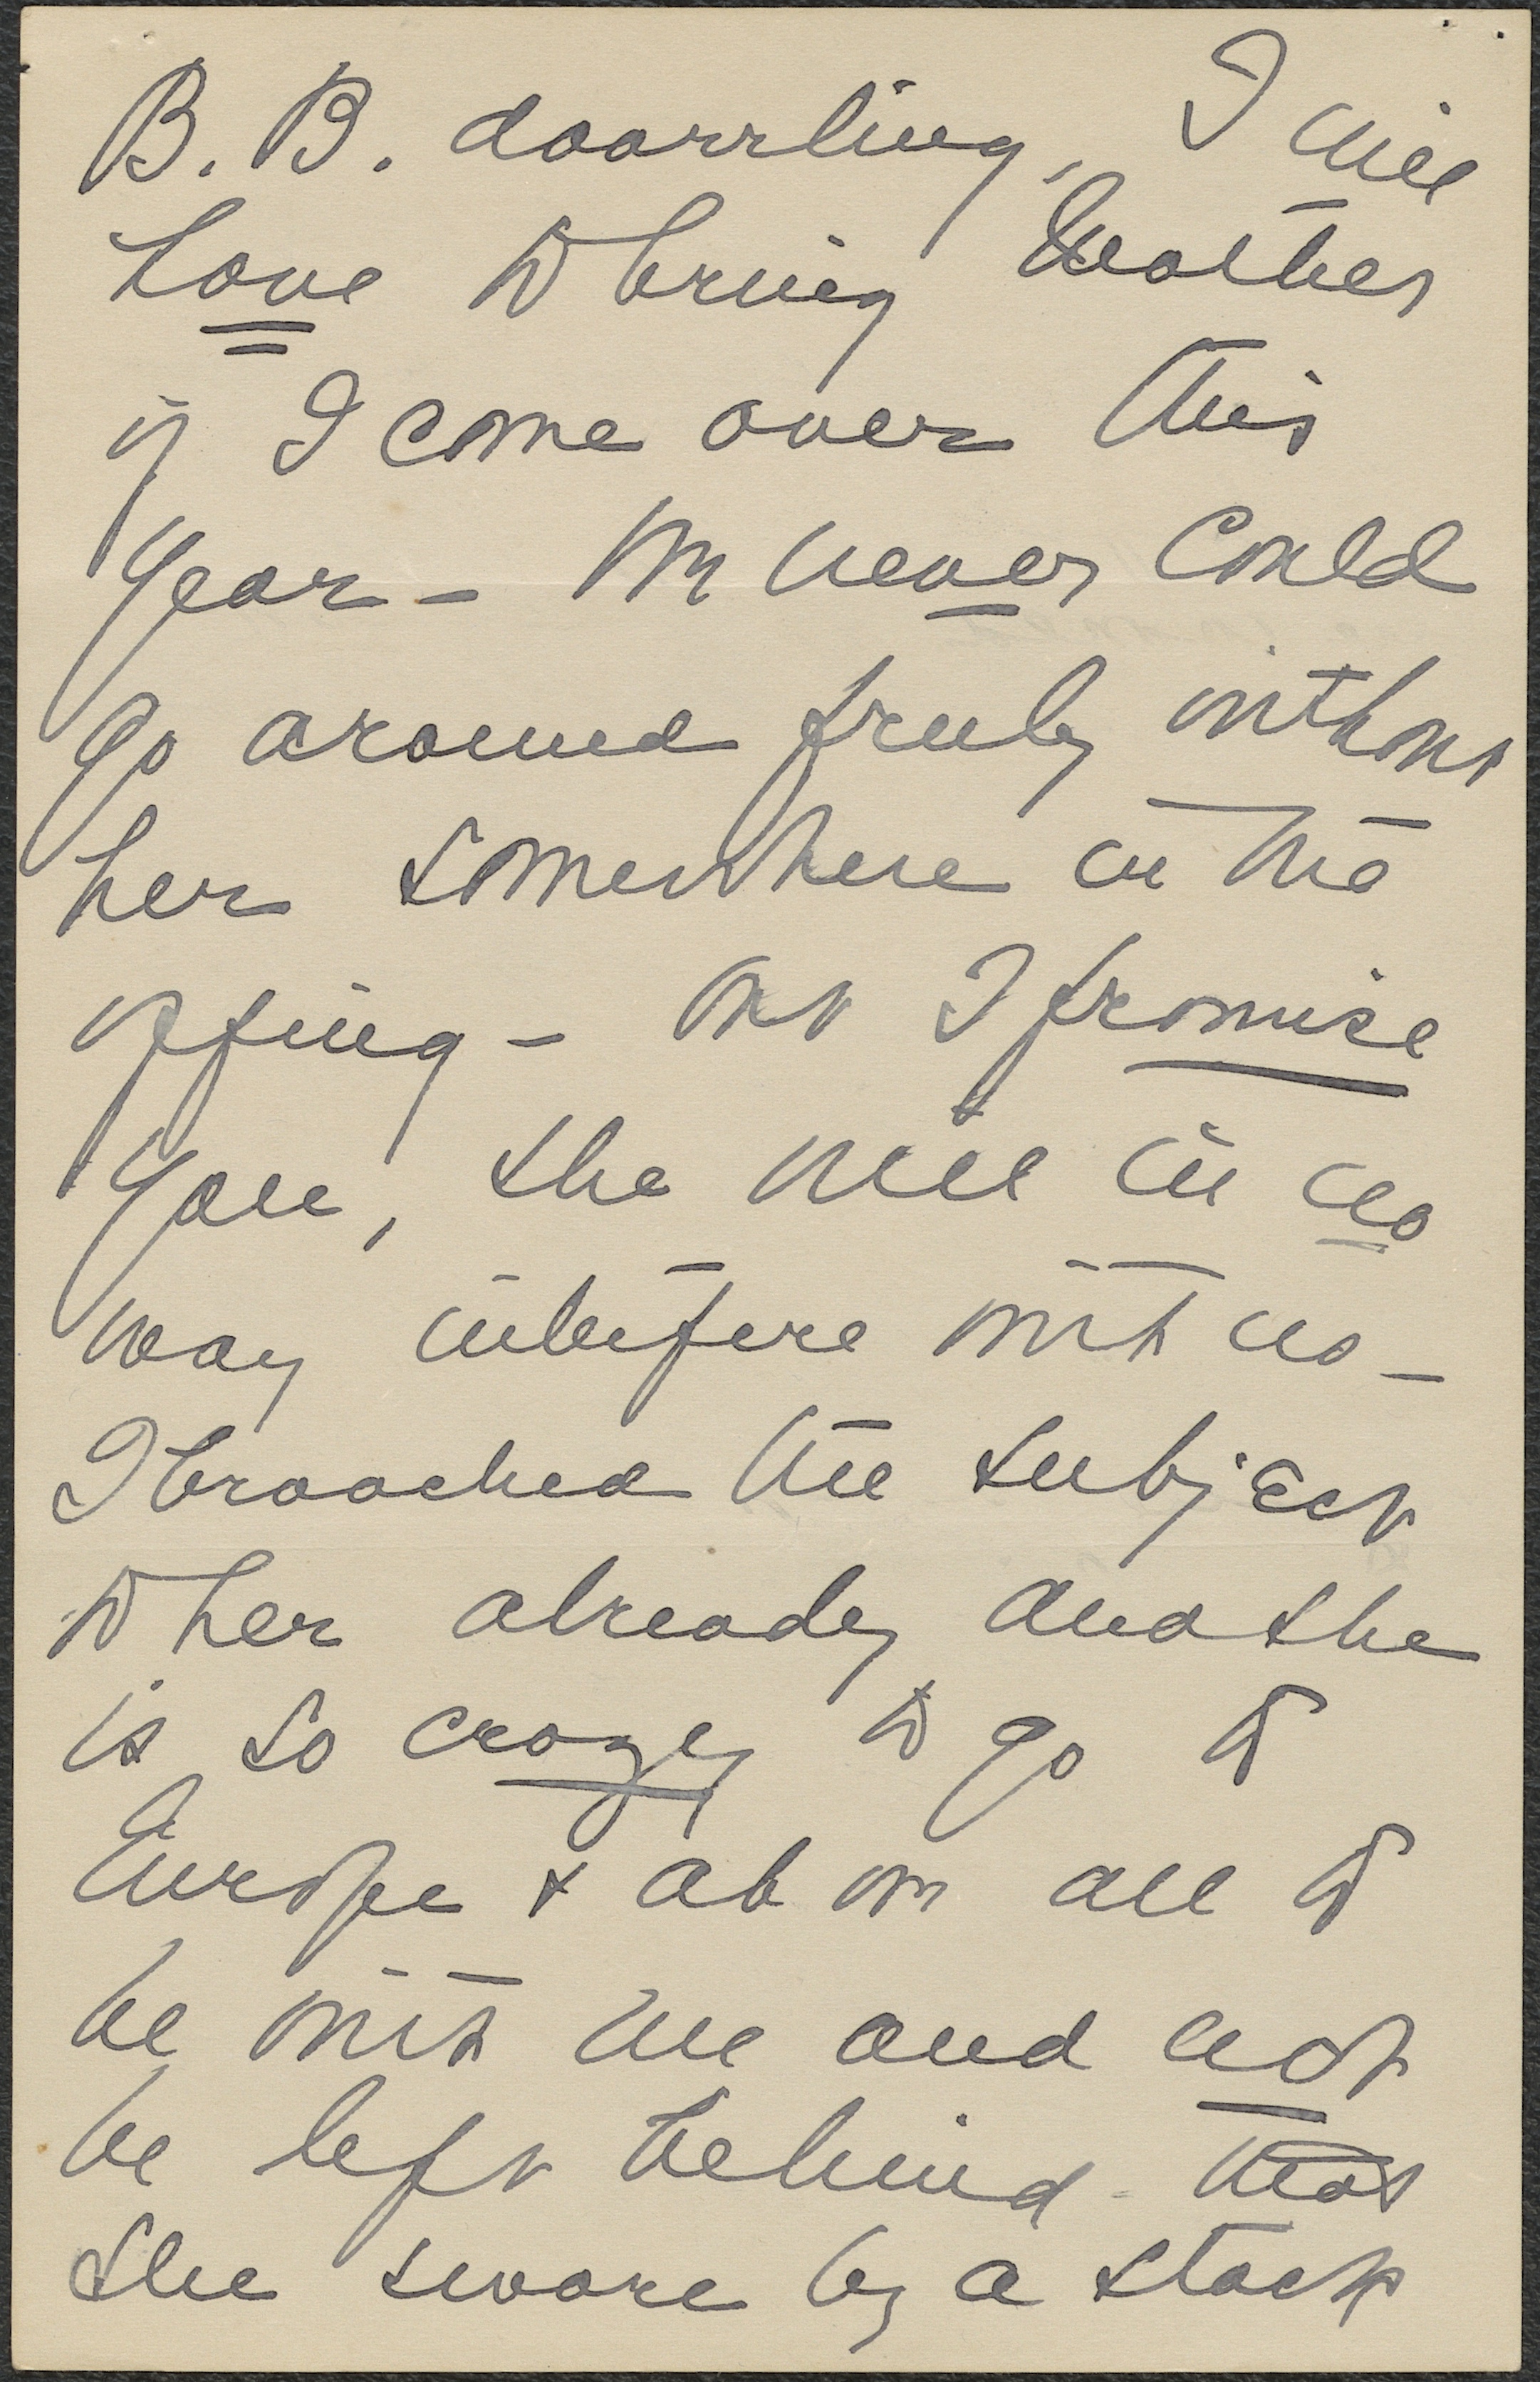B. B. daarrling, I will [double underlined: have] to bring Mother if I come over this year – We never could go around freely without her somewhere in the offing – but I promise you, she will in no way interfere with us – I broached the subject to her already and she is so crazy to go to europe & above all to be with me and not be left behind that she swore by a stack